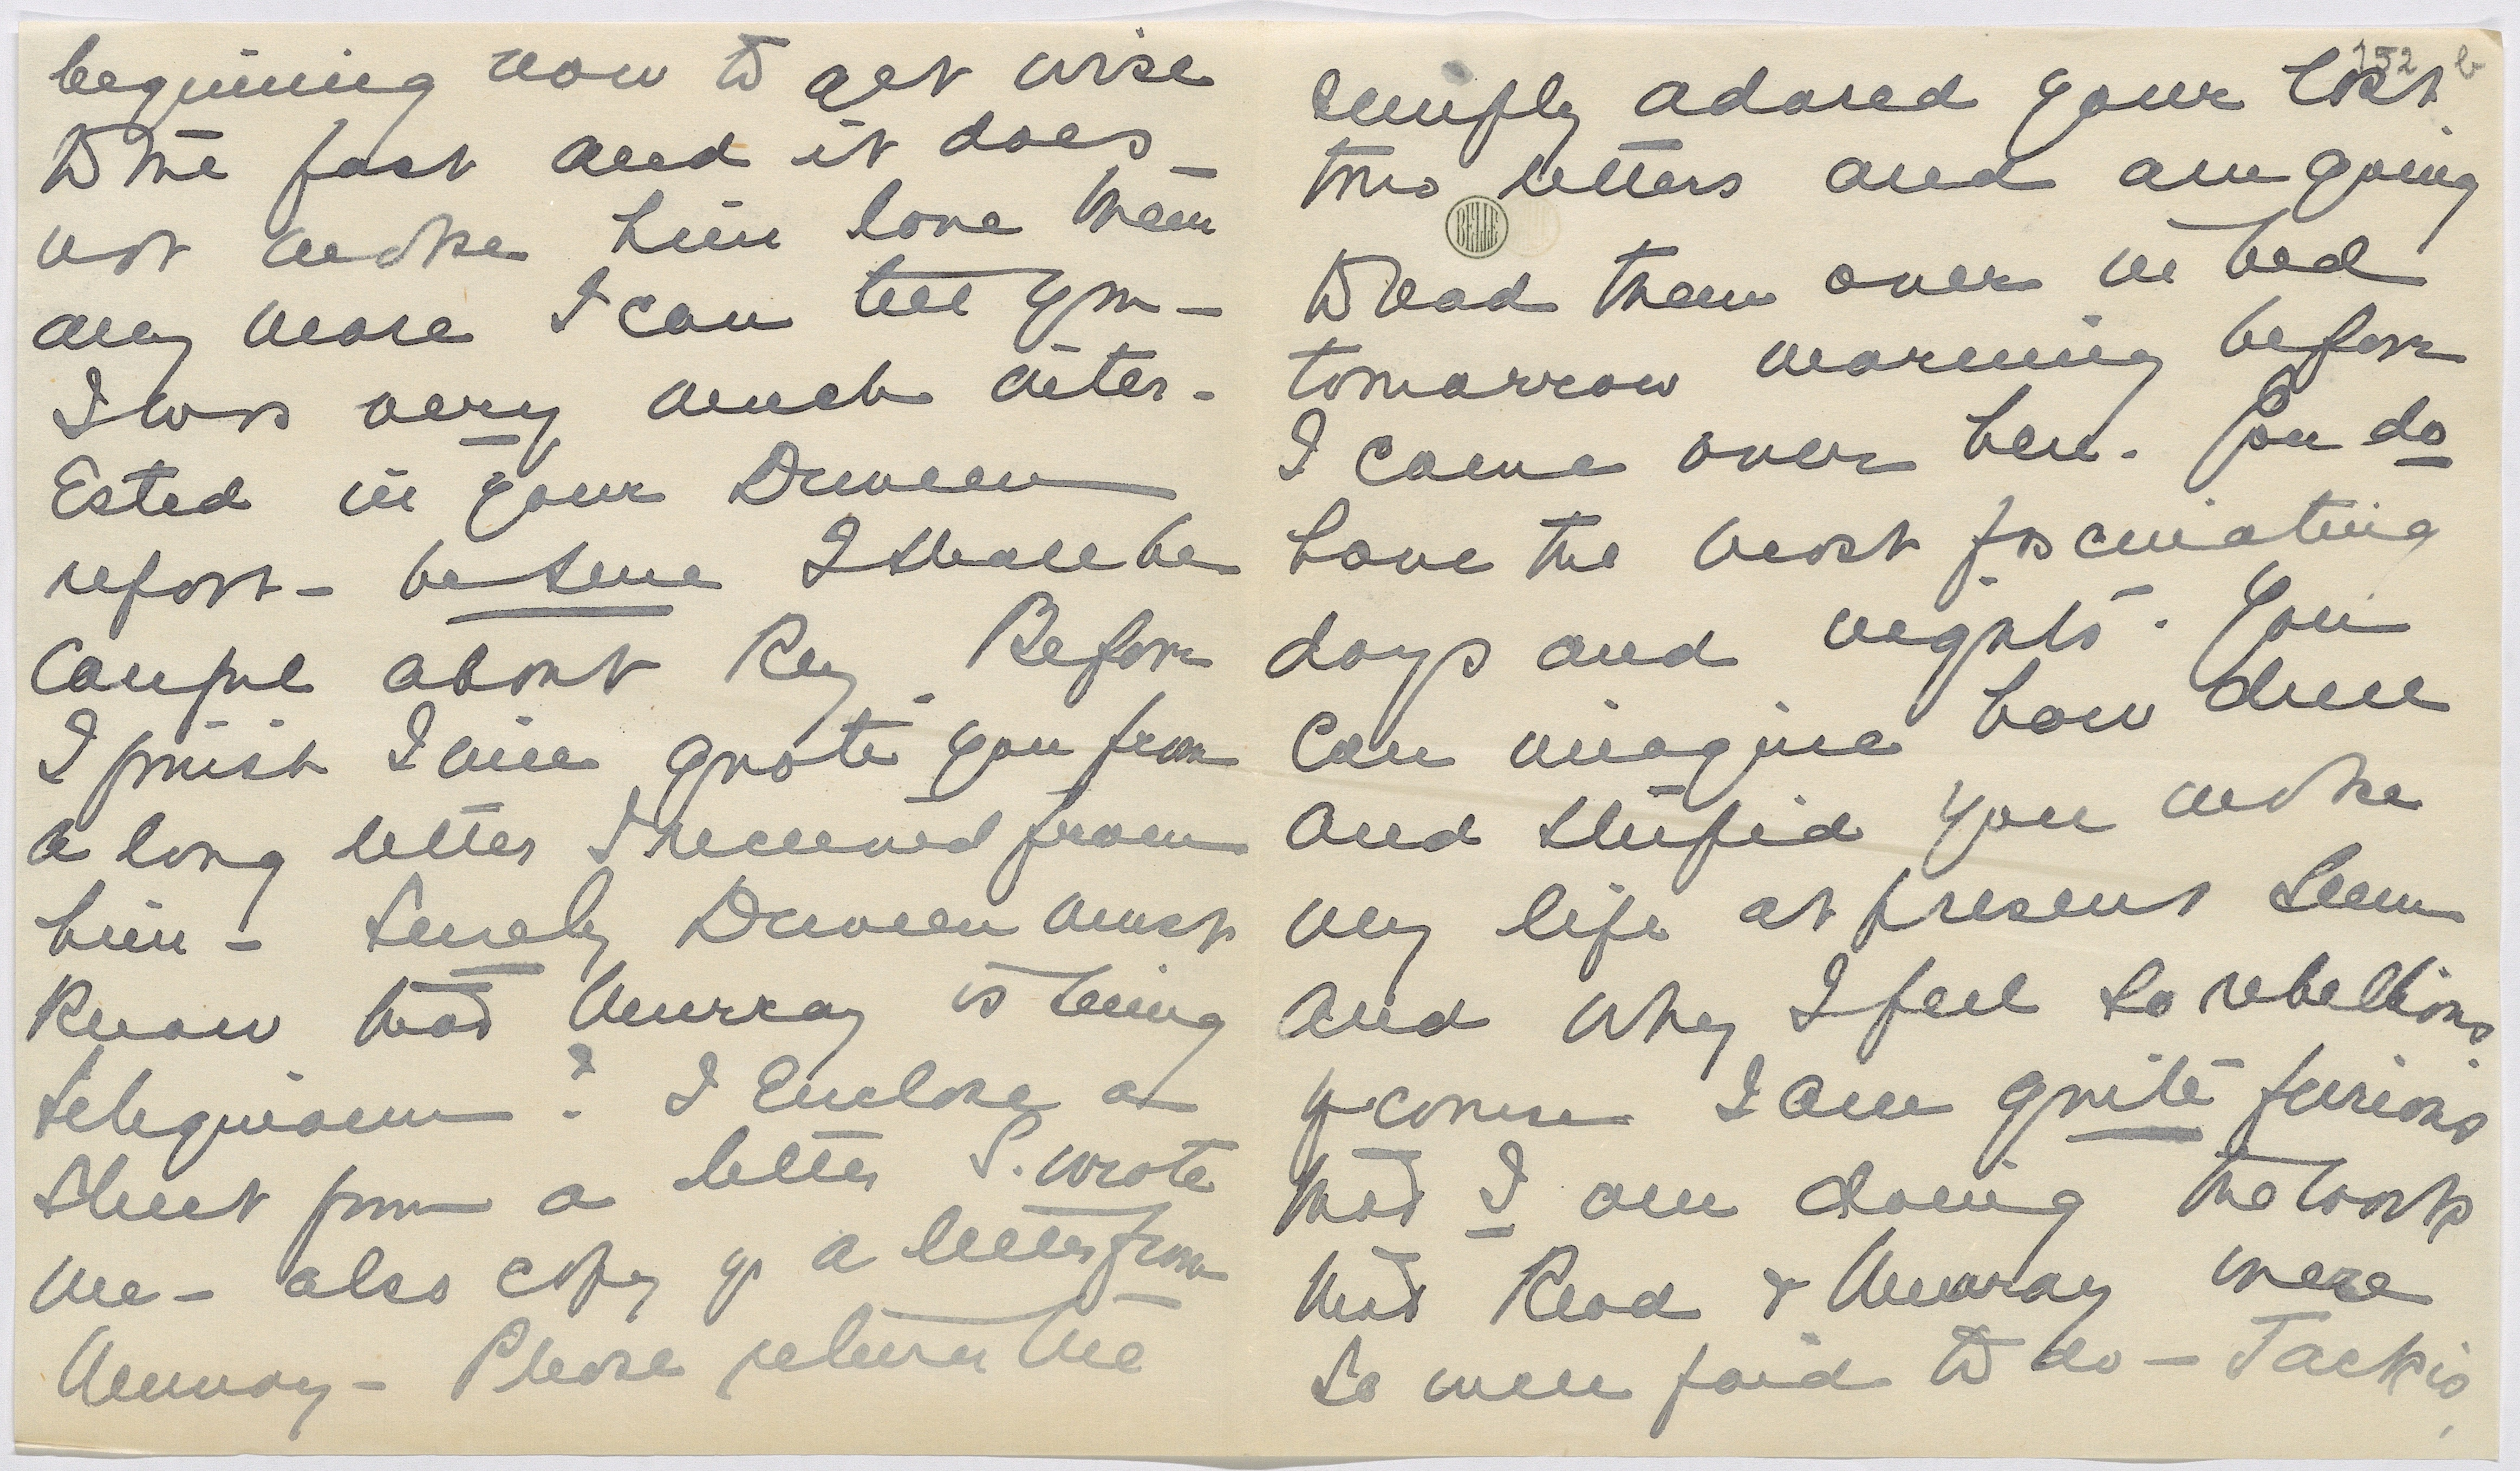simply adored your last two letters and am going to read them over in bed tomorrow morning before I come over here – You do have the most fascinating days and nights. You can imagine how dull and stupid you make my life at present seem and why I feel so rebellious of course I am quite furious that I am doing the work that Read & Murray were so well paid to do – Jack is
beginning now to get wise to the fact and it does not make him love them any more I can tell you – I was very much interested in your Duveen report – be sure I shall be careful about Rey – Before I finish I will quote you from a long letter I received from him – Surely Duveen must know that Murray is seeing Seligmann? I enclose a sheet from a letter S. wrote me – also copy of a letter from Murray – Please return the